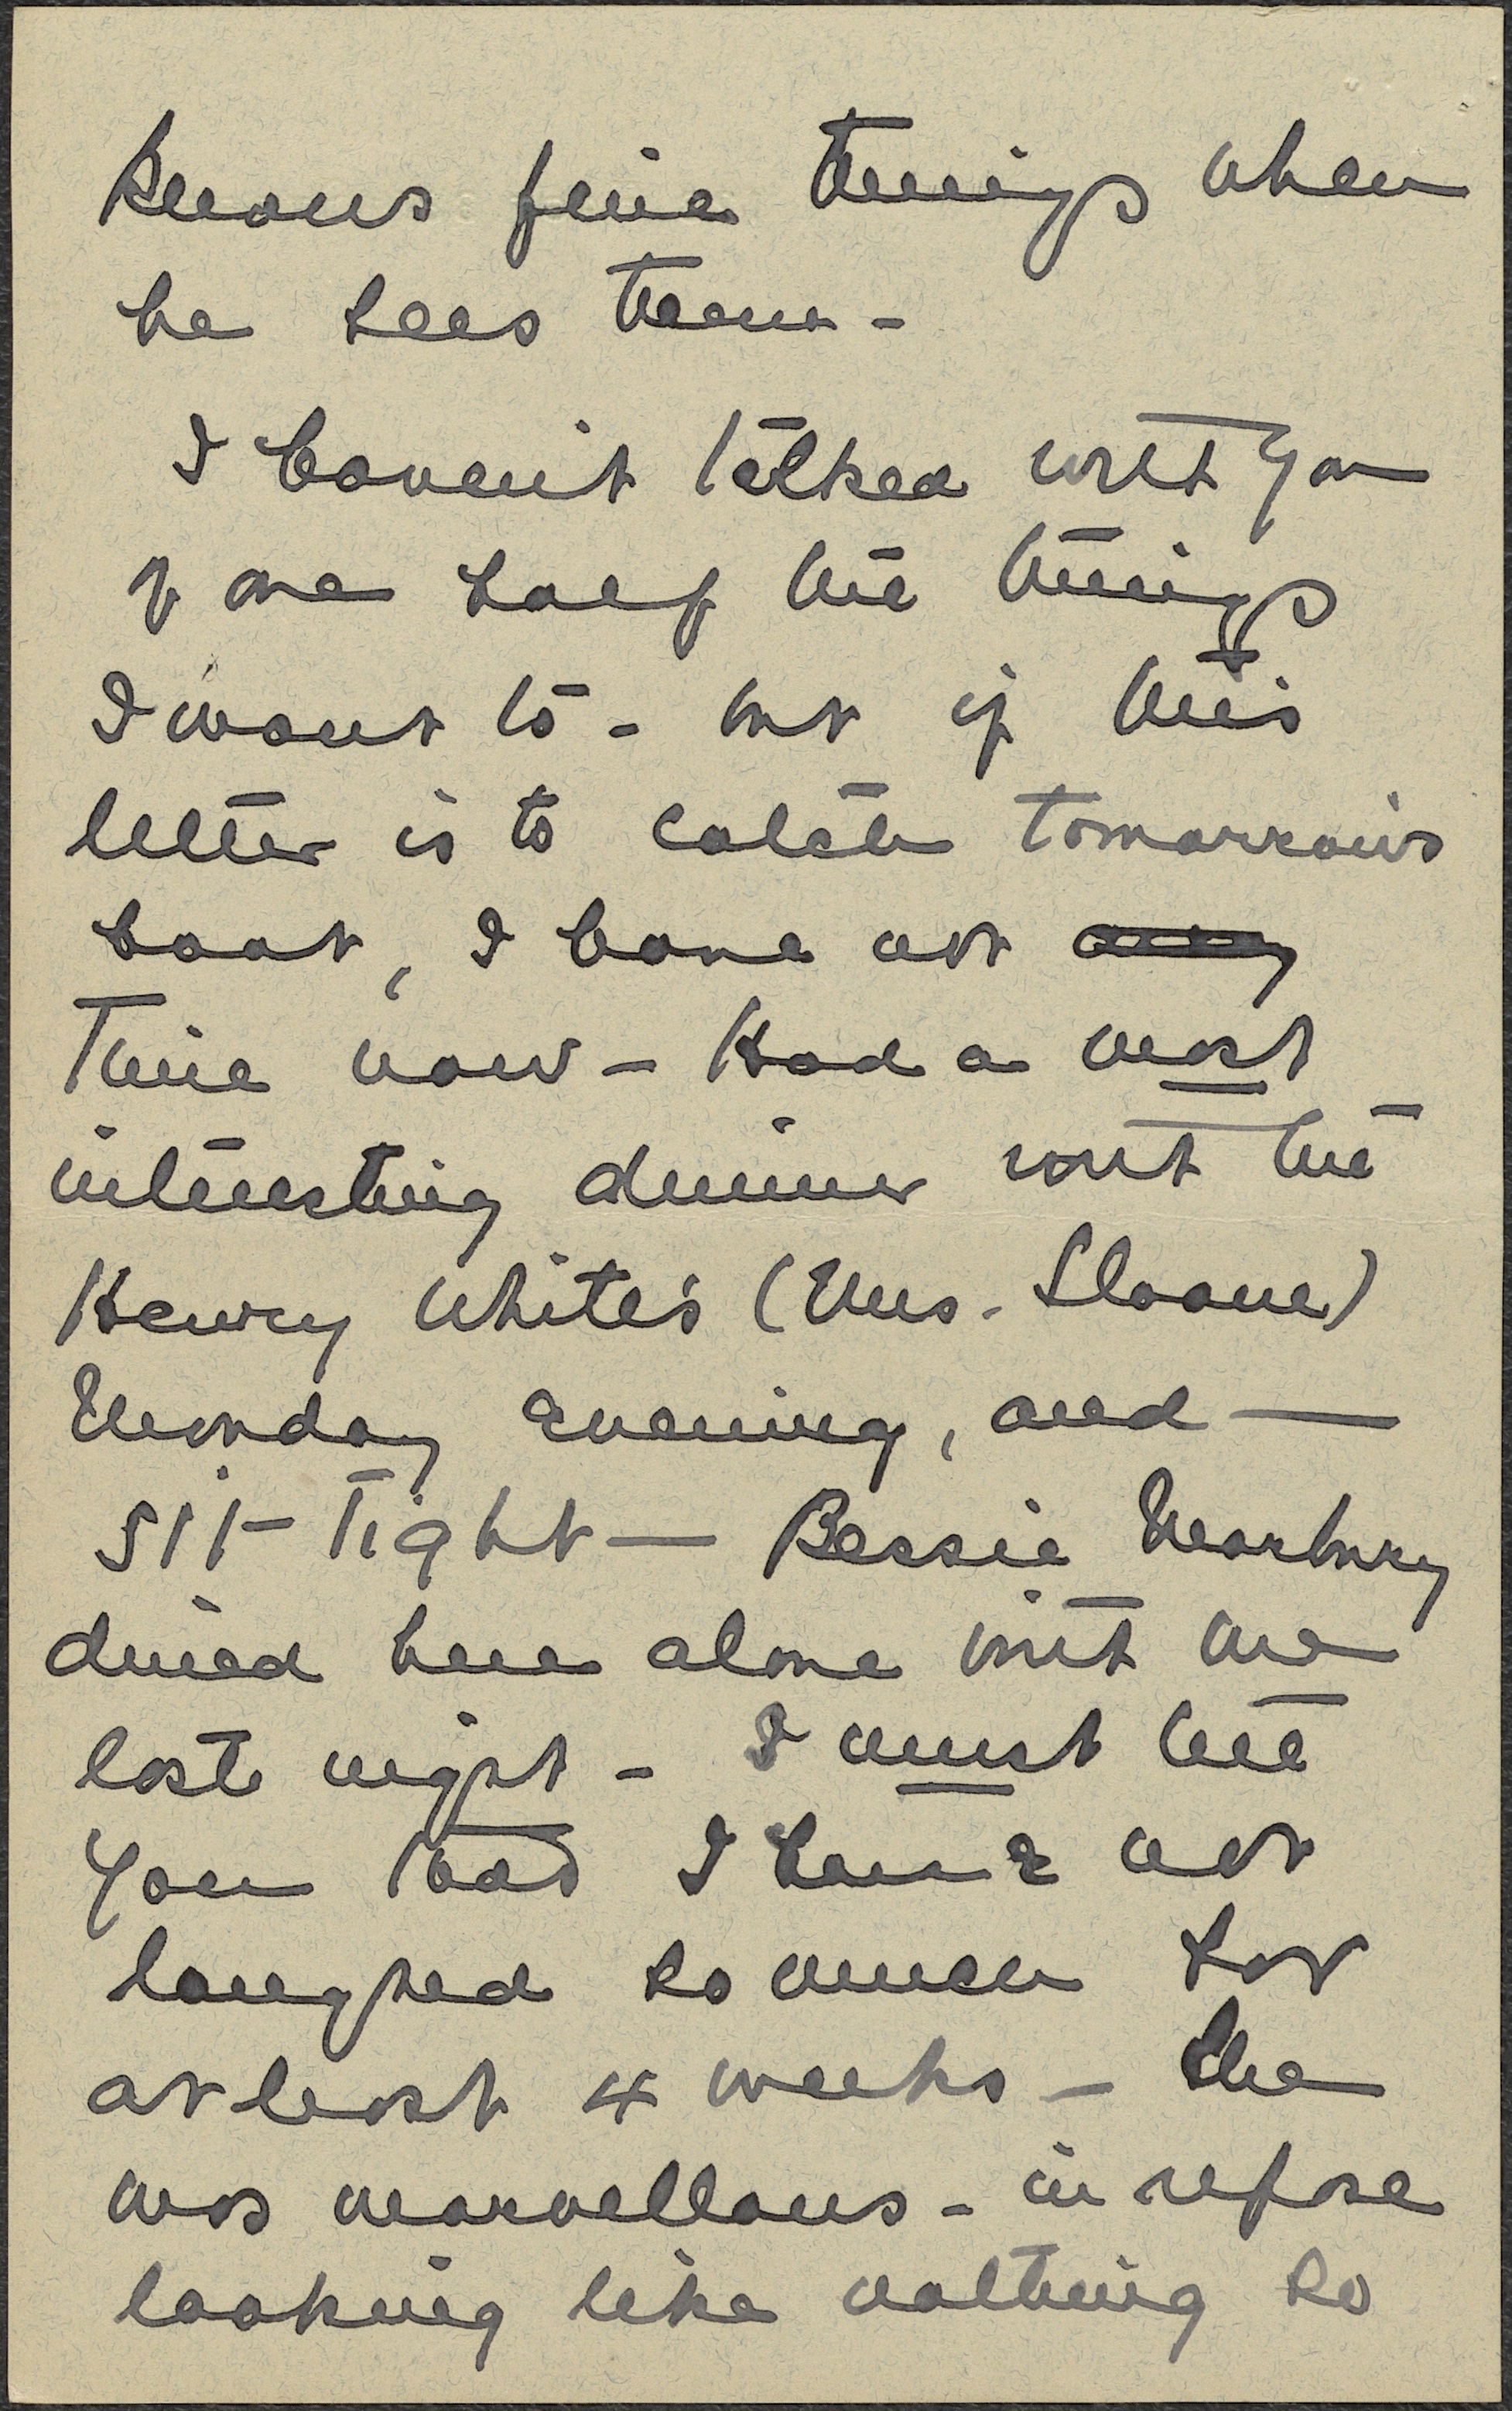knows fine things when he sees them –
I haven't talked with you of one half the things I want to – but if this letter is to catch tomorrow's boat, I have not any time now – Had a most interesting dinner with the Henry White's (Mrs. Sloane) Monday evening, and – sit tight – Bessie Marbury dined here alone with me last night – I must tell you that I have not laughed so much for at least 4 weeks – She was marvellous [sic] – in repose looking like nothing so